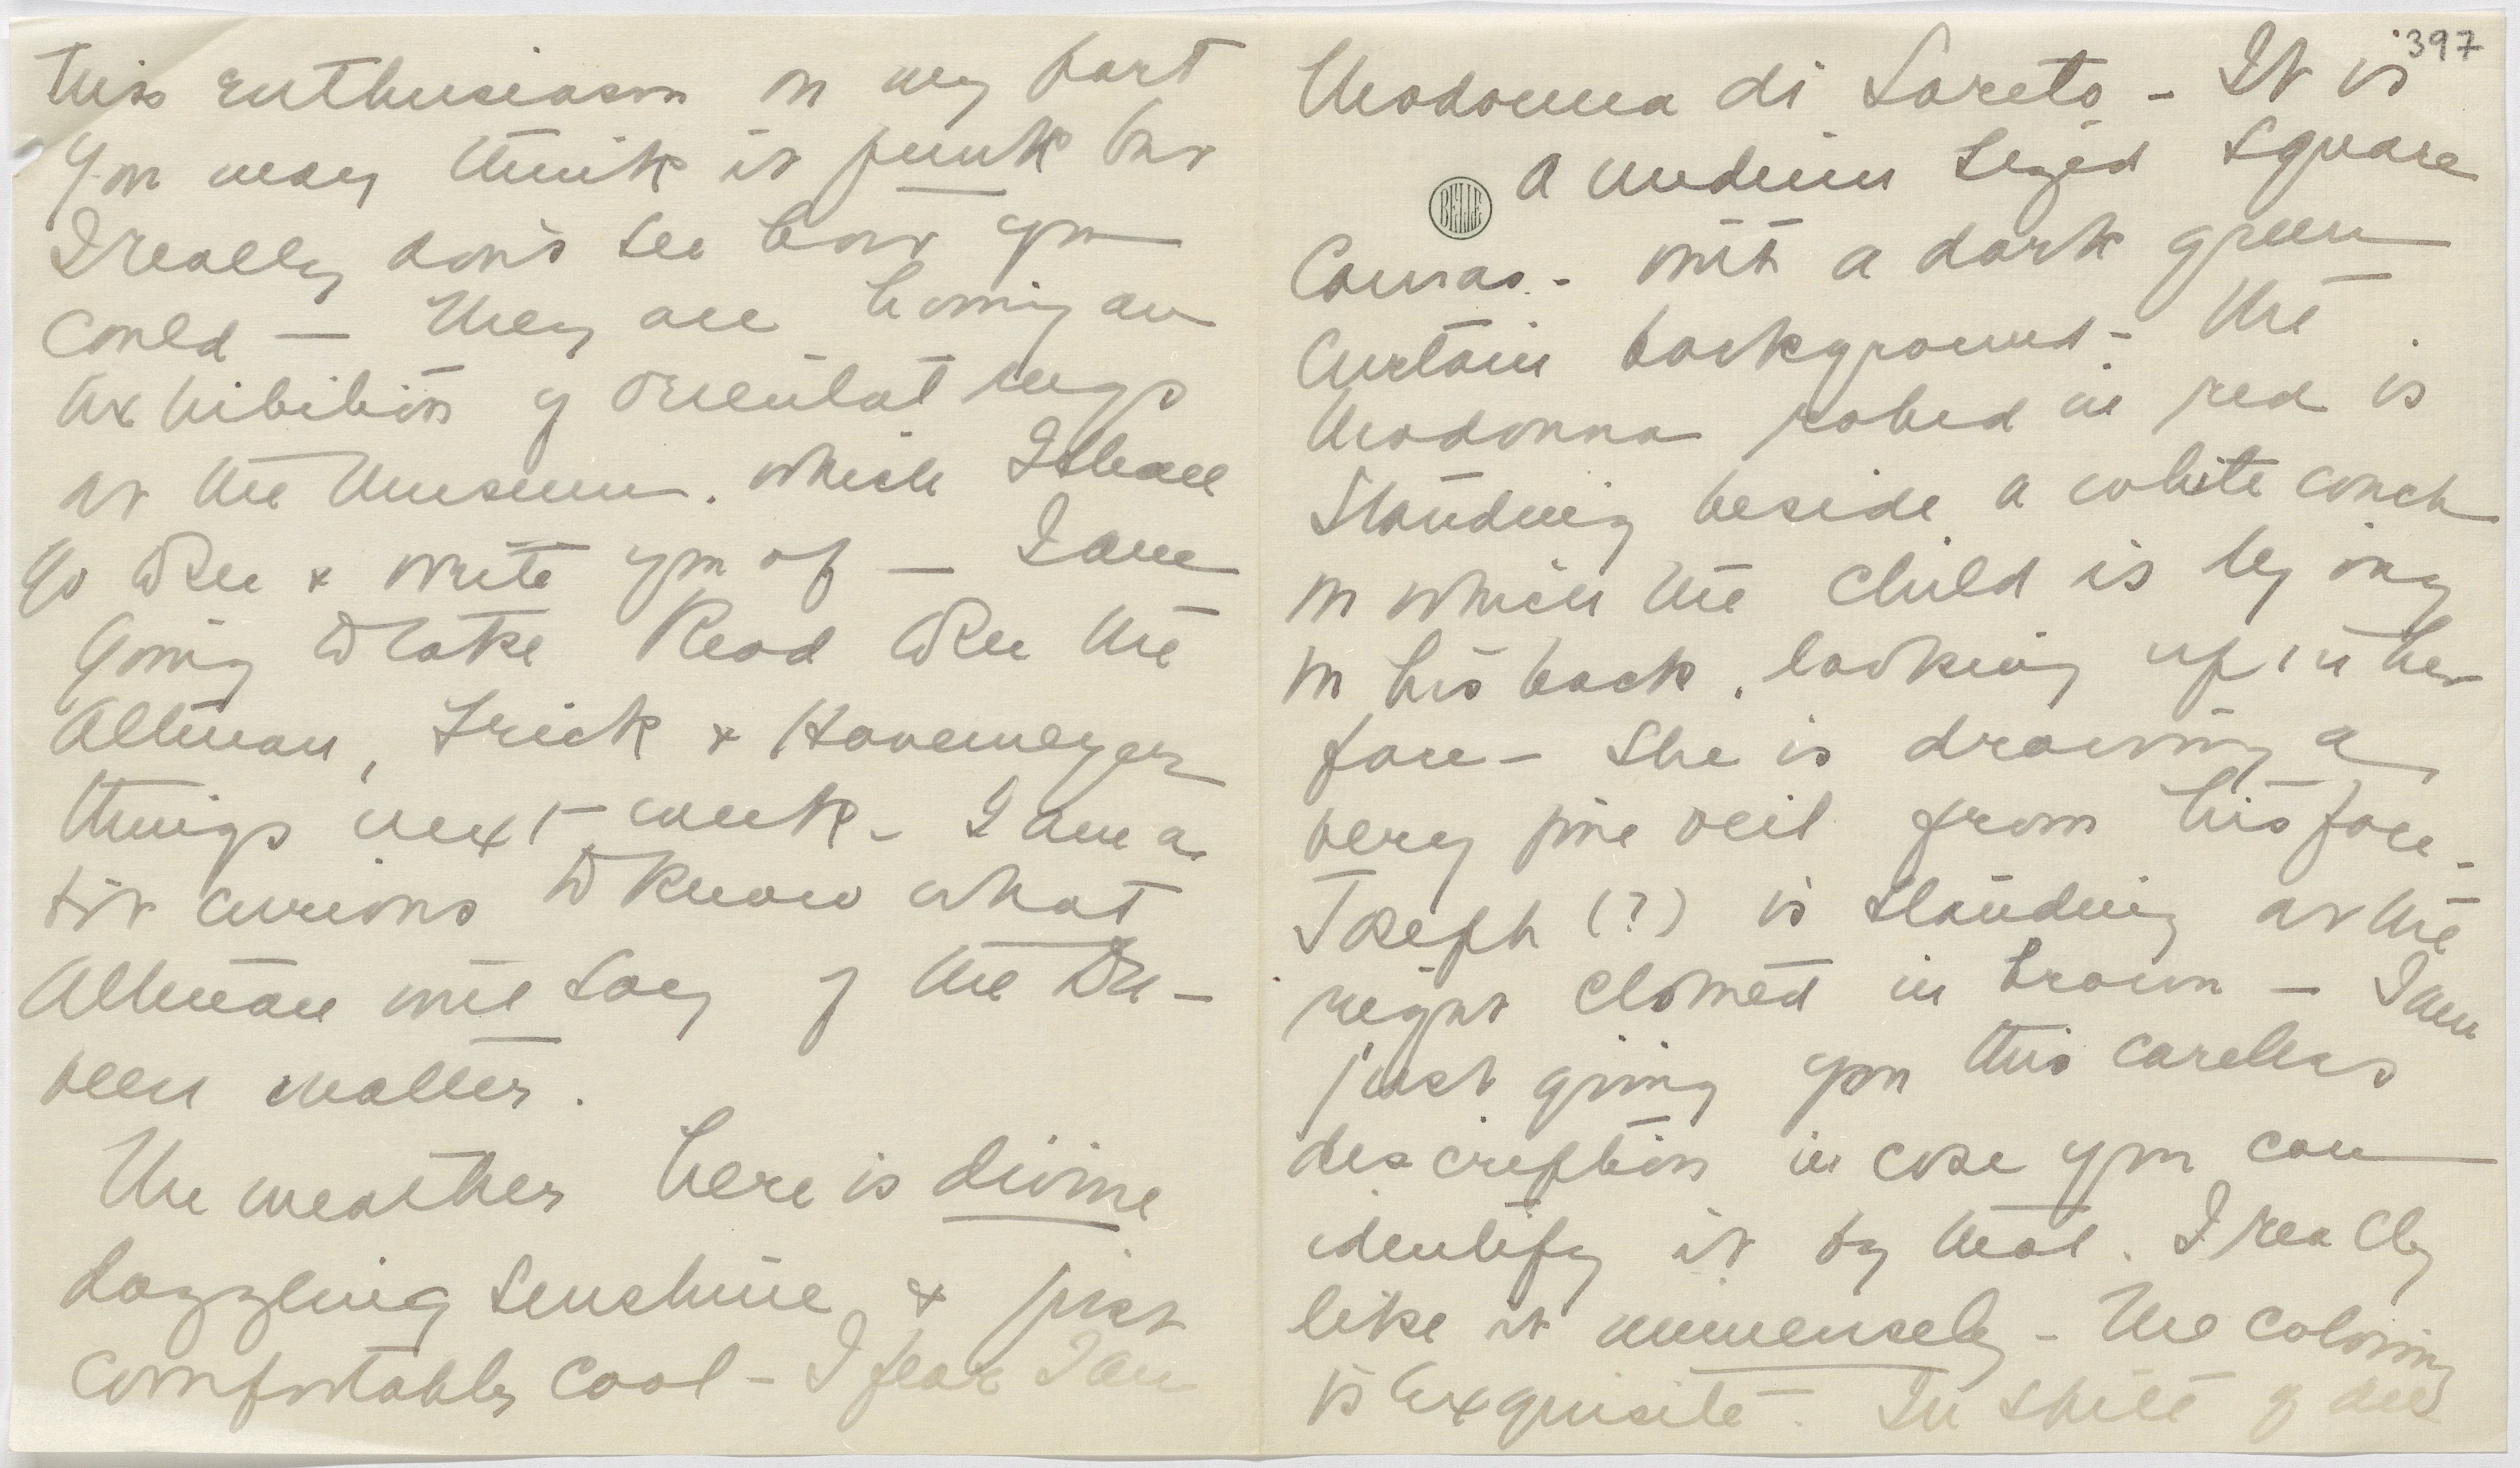Madonna di Loreto – It is a medium sized square canvas – with a dark green curtain background – the Madonna robed in red is standing beside a white couch on which the child is lying on his back, looking up in her face – She is drawing a very fine veil from his face – Joseph (?) is standing at the right clothed in brown – I am just giving you this careless description in case you can identify it by that. I really like it immensely – The coloring is exquisite. In spite of all
this enthusiasm on my part you may think it punk but I really don’t see how you could – They are having an exhibition of oriental rugs at the Museum, which I shall go to see & write you of – I am going to take Read to see the Altman, Frick & Havemeyer things next week – I am a bit curious to know what Altman will say of the Duveen matter.
The weather here is divine dazzling sunshine & just comfortably cool – I fear I am